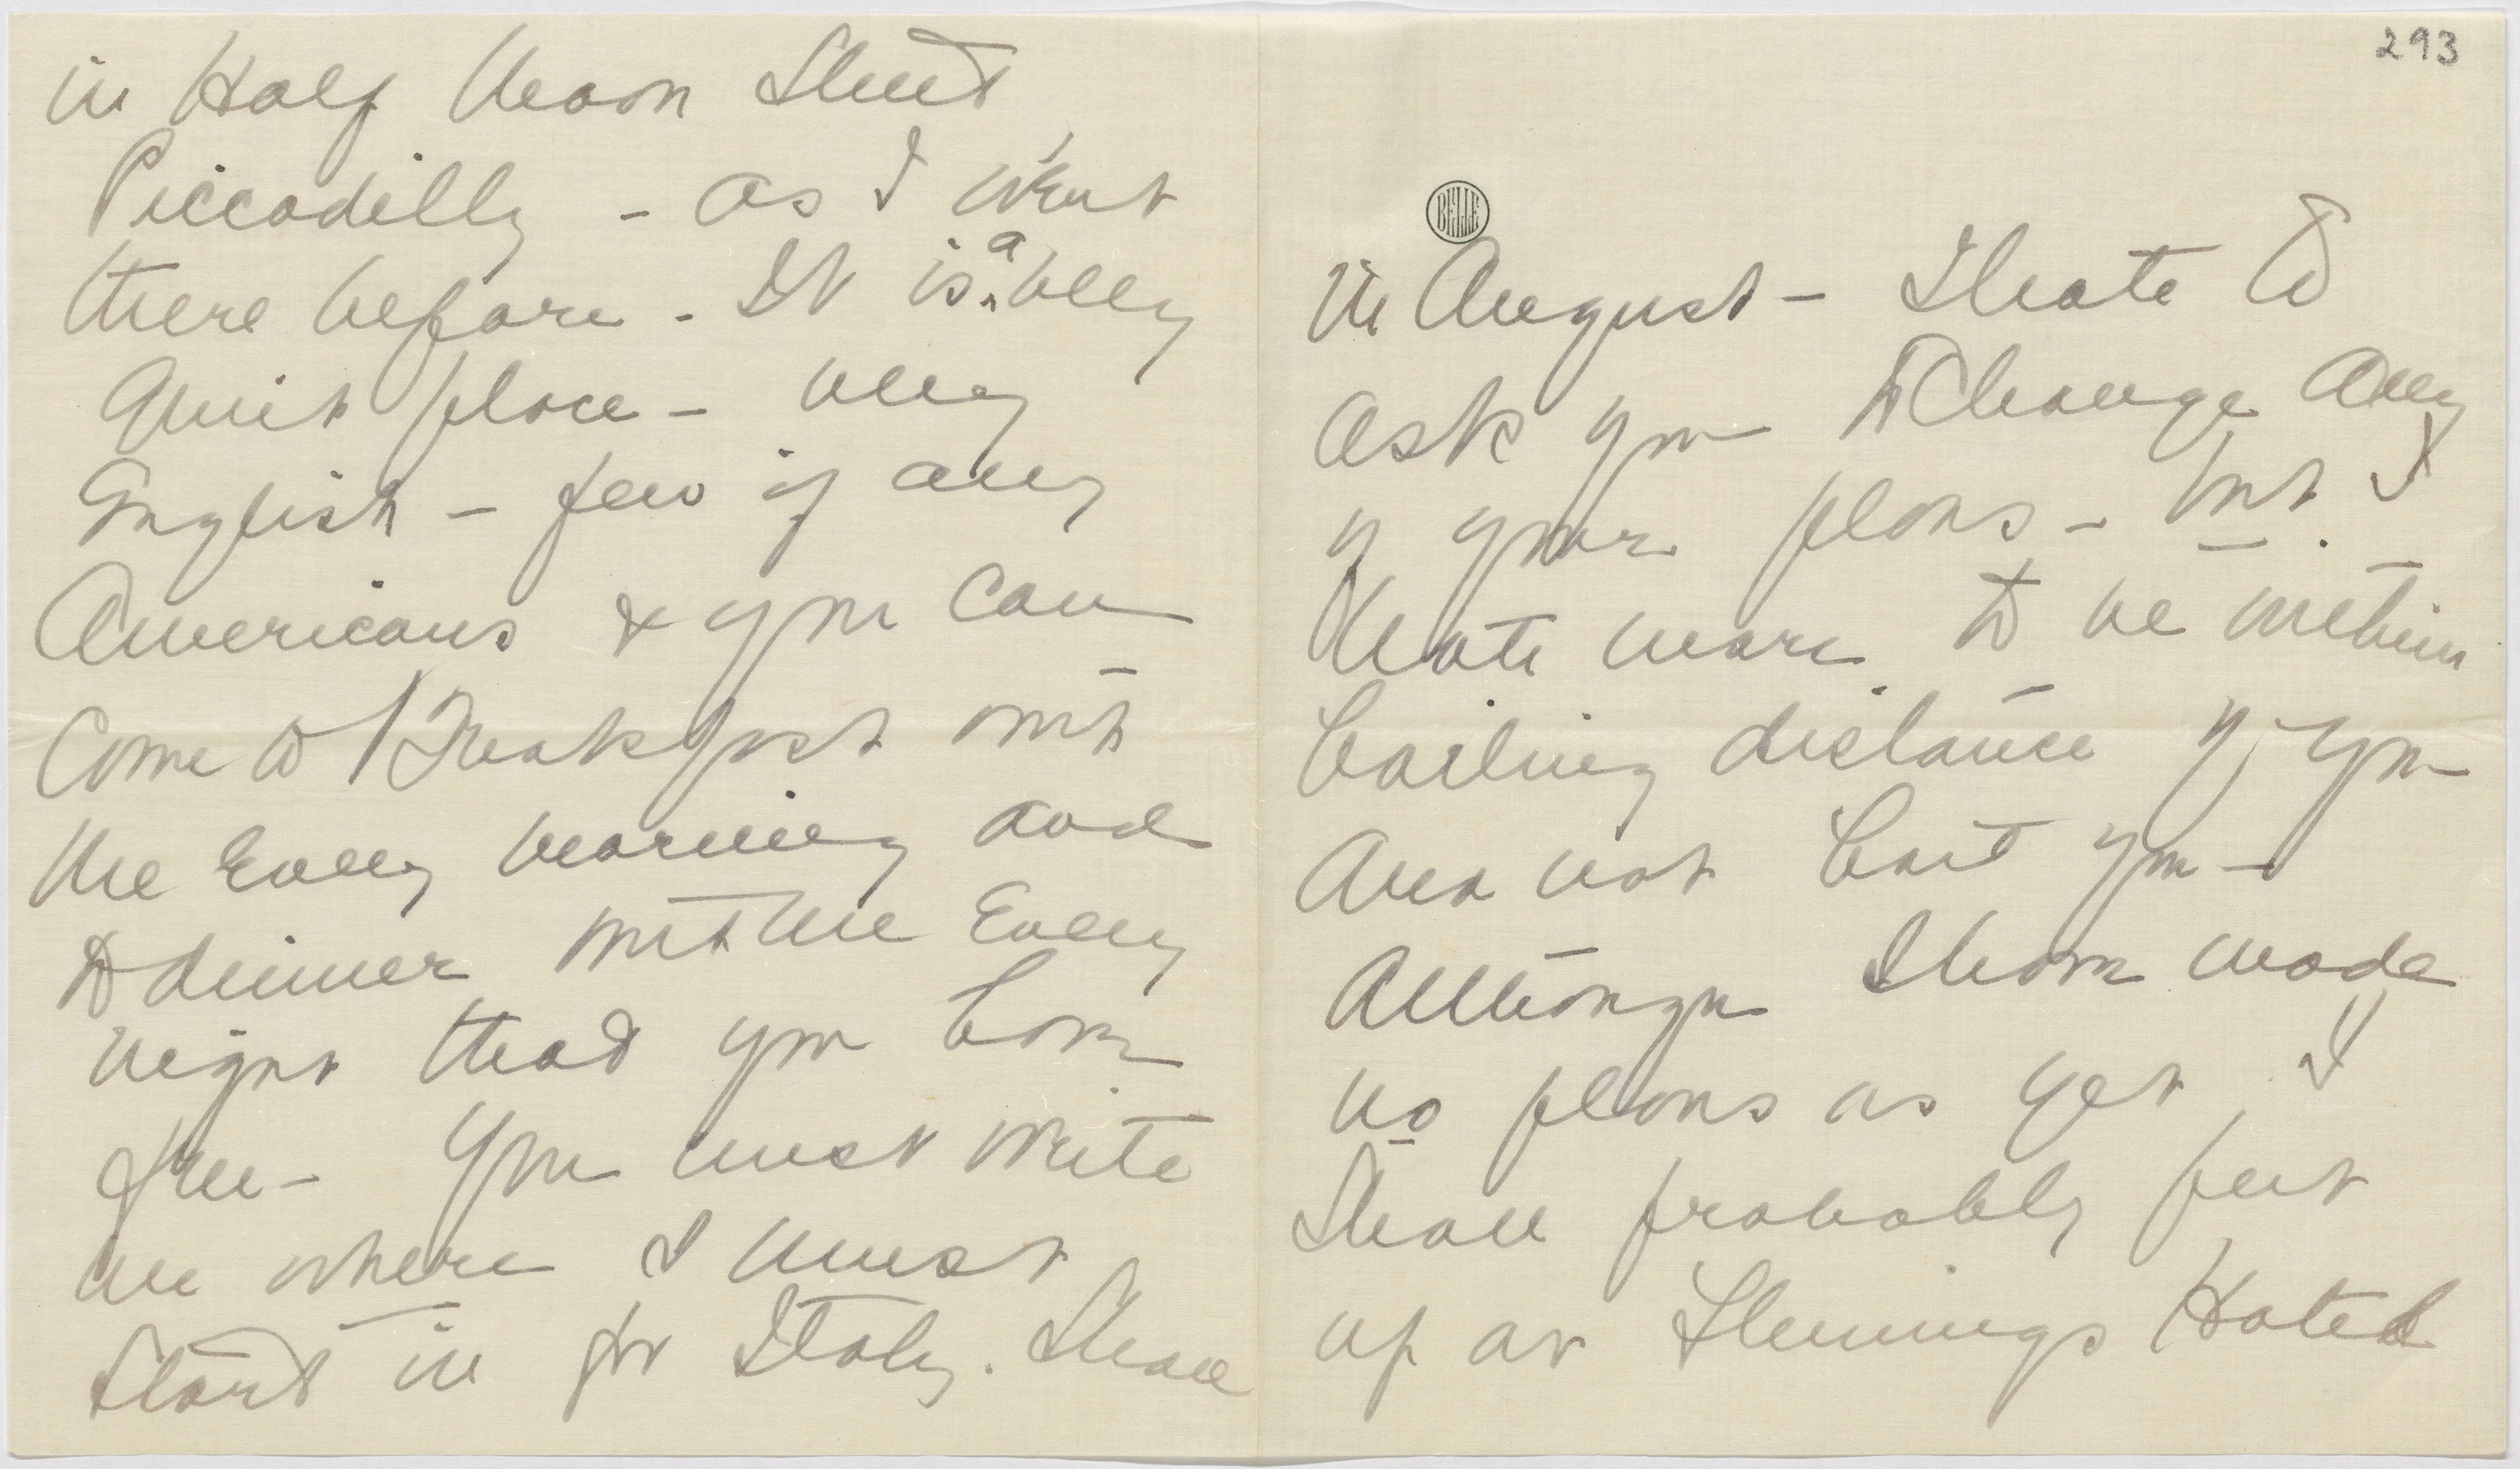in August – I hate to ask you to change any of your plans – but I hate more to be within hailing distance of you and not hail you –
Although I have made no plans as yet I shall probably put up at Flemings Hotel
in Half Moon Street Piccadilly – as I went there before – It is [^a^] very quiet place – very English – few if any Americans & you can come to Breakfast with me every morning and to dinner with me every night that you have free – You must write me where I must start in for Italy. Shall